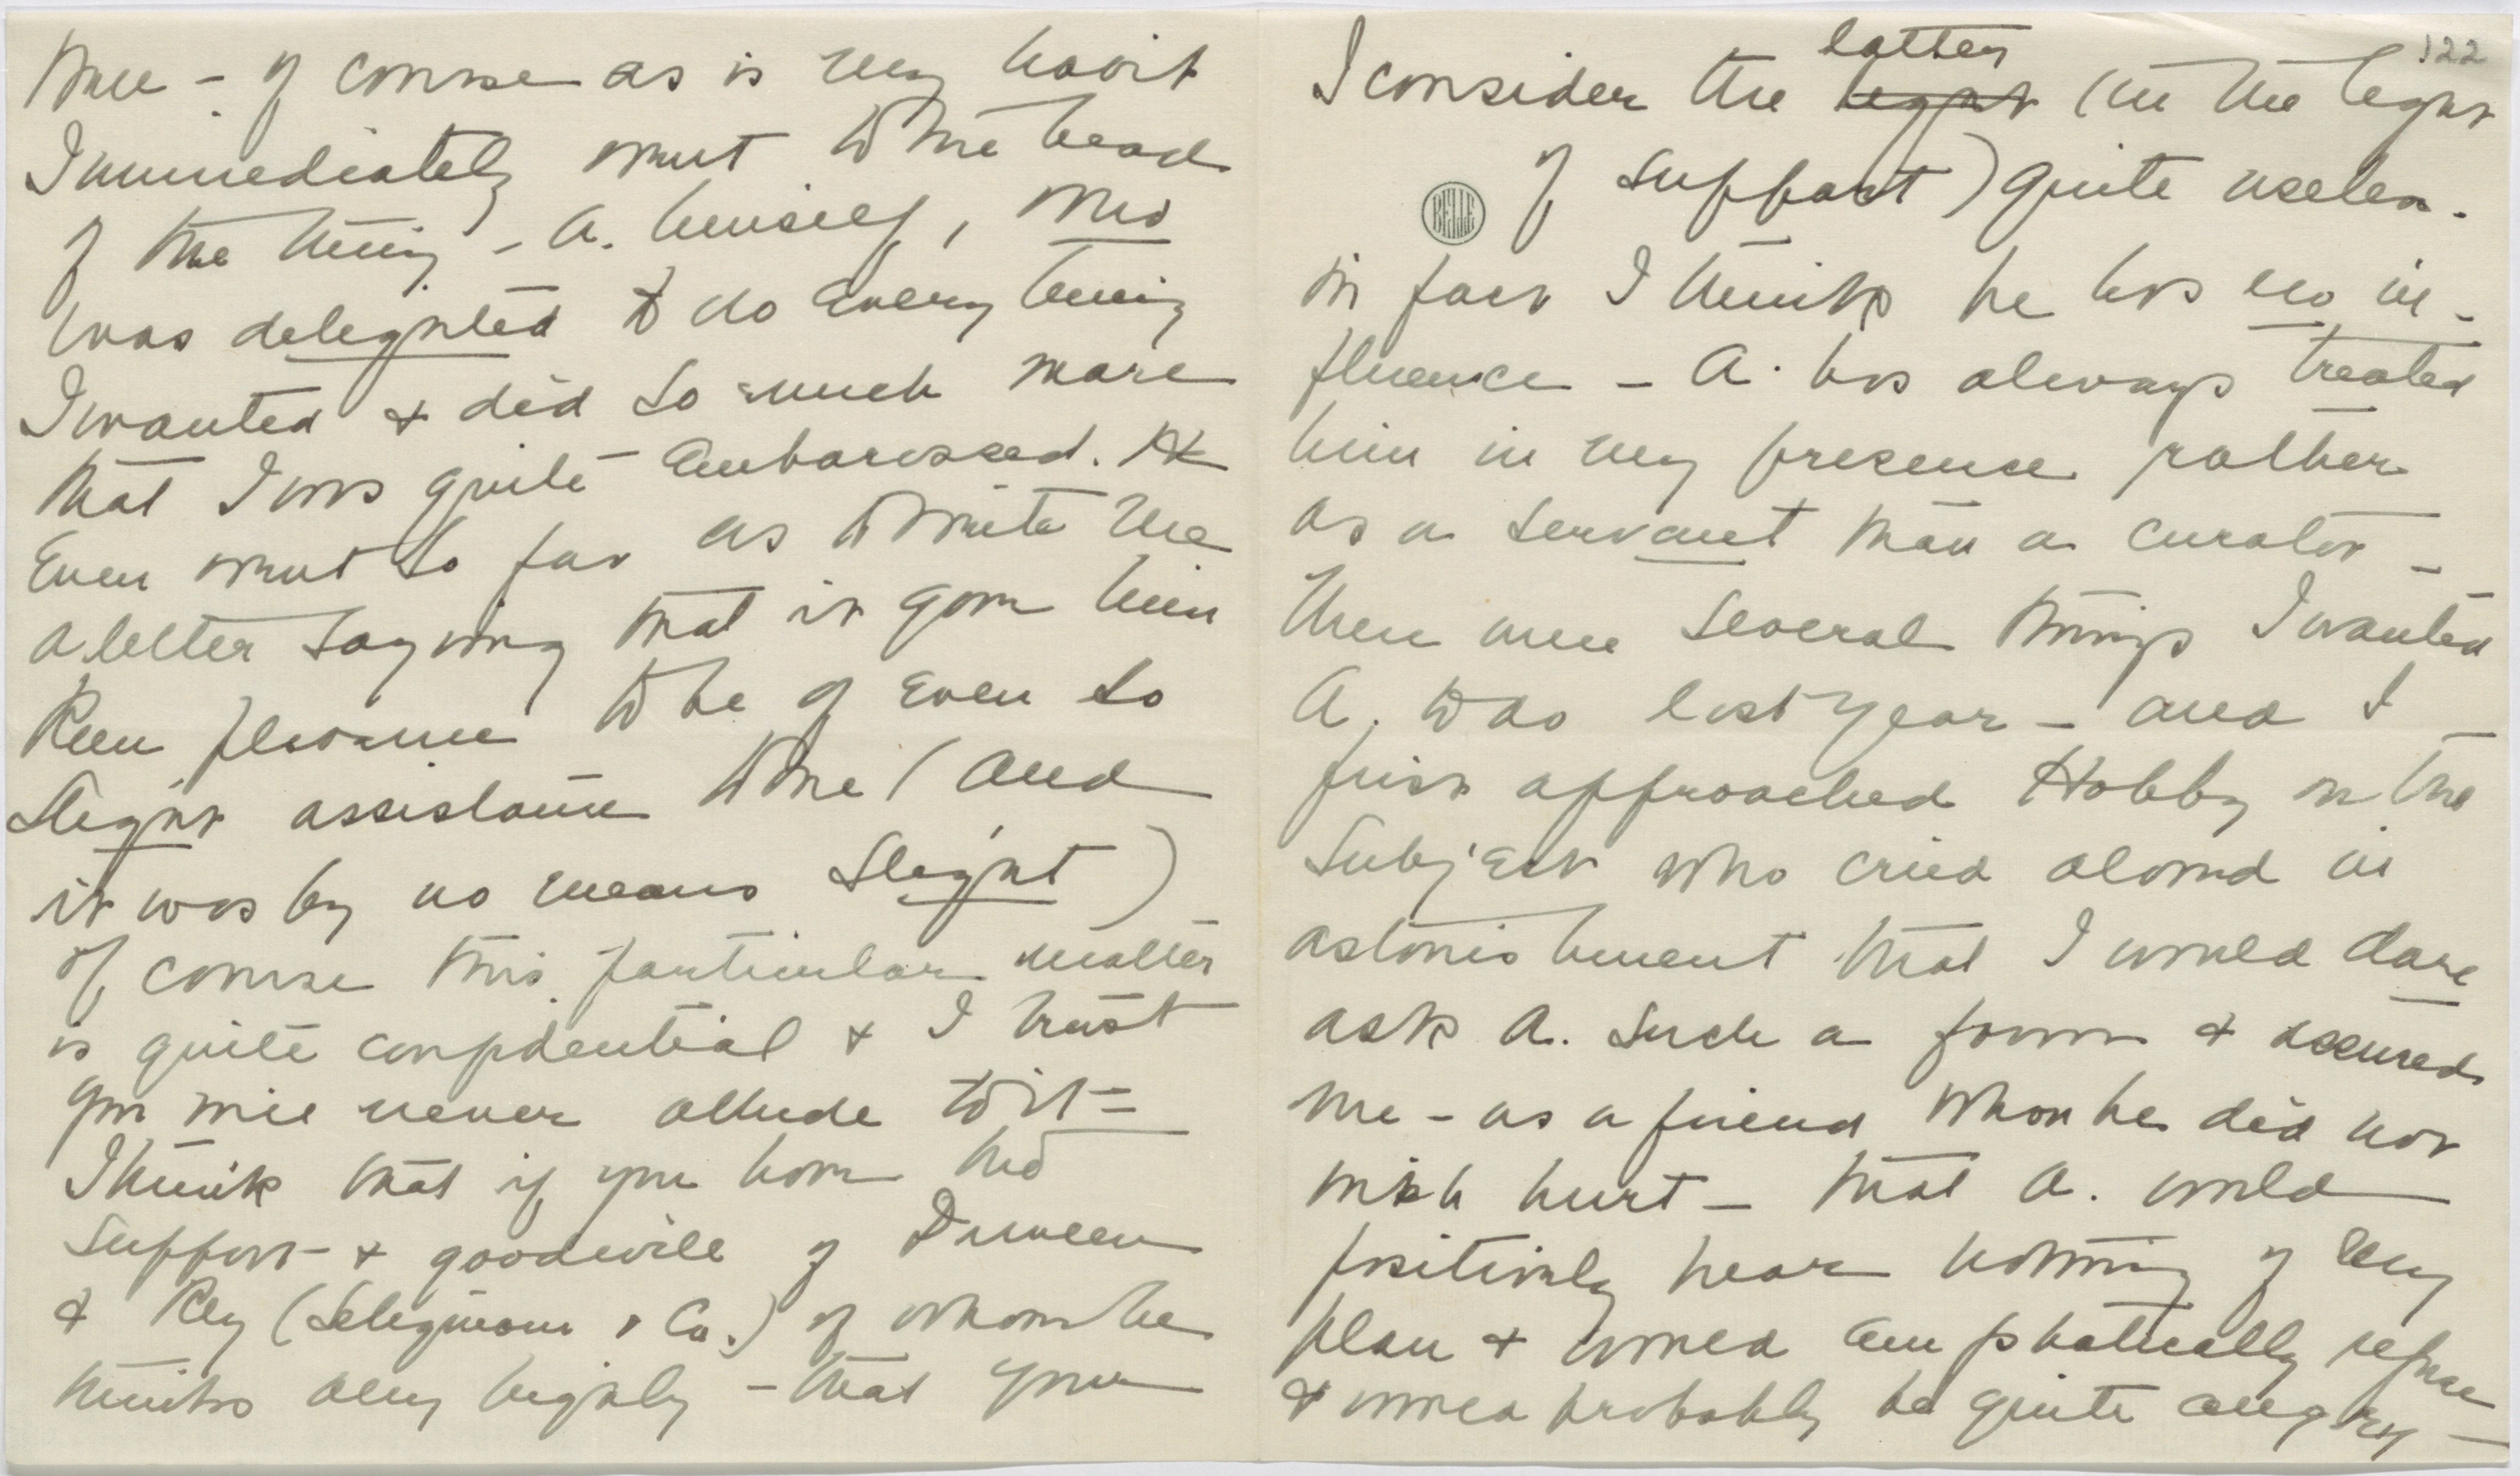I consider the light ˆlatterˆ (in the light of support) quite useless – in fact I think he has no influence – A. has always treated him in my presence rather as a servant than a curator – There were several things I wanted A. to do last year – and I first approached Hobby on the subject who cried aloud in astonishment that I would dare ask A. such a favour & assured me – as a friend whom he did not wish hurt – that A. would positively hear nothing of my plan & would emphatically refuse & would probably be quite angry –
Well – of course as is my habit I immediately went to the head of the thing – A. himself, who was delighted to do every thing I wanted & did so much more that I was quite embarrassed. He even went so far as to write me a letter saying that it gave him keen pleasure to be of even so slight assistance to me (and it was by no means slight) of course this particular matter is quite confidential & I trust you will never allude to it – I think that if you have the support & goodwill of Duveen & Rey (Seligmann & Co.) of whom he thinks very highly – that your